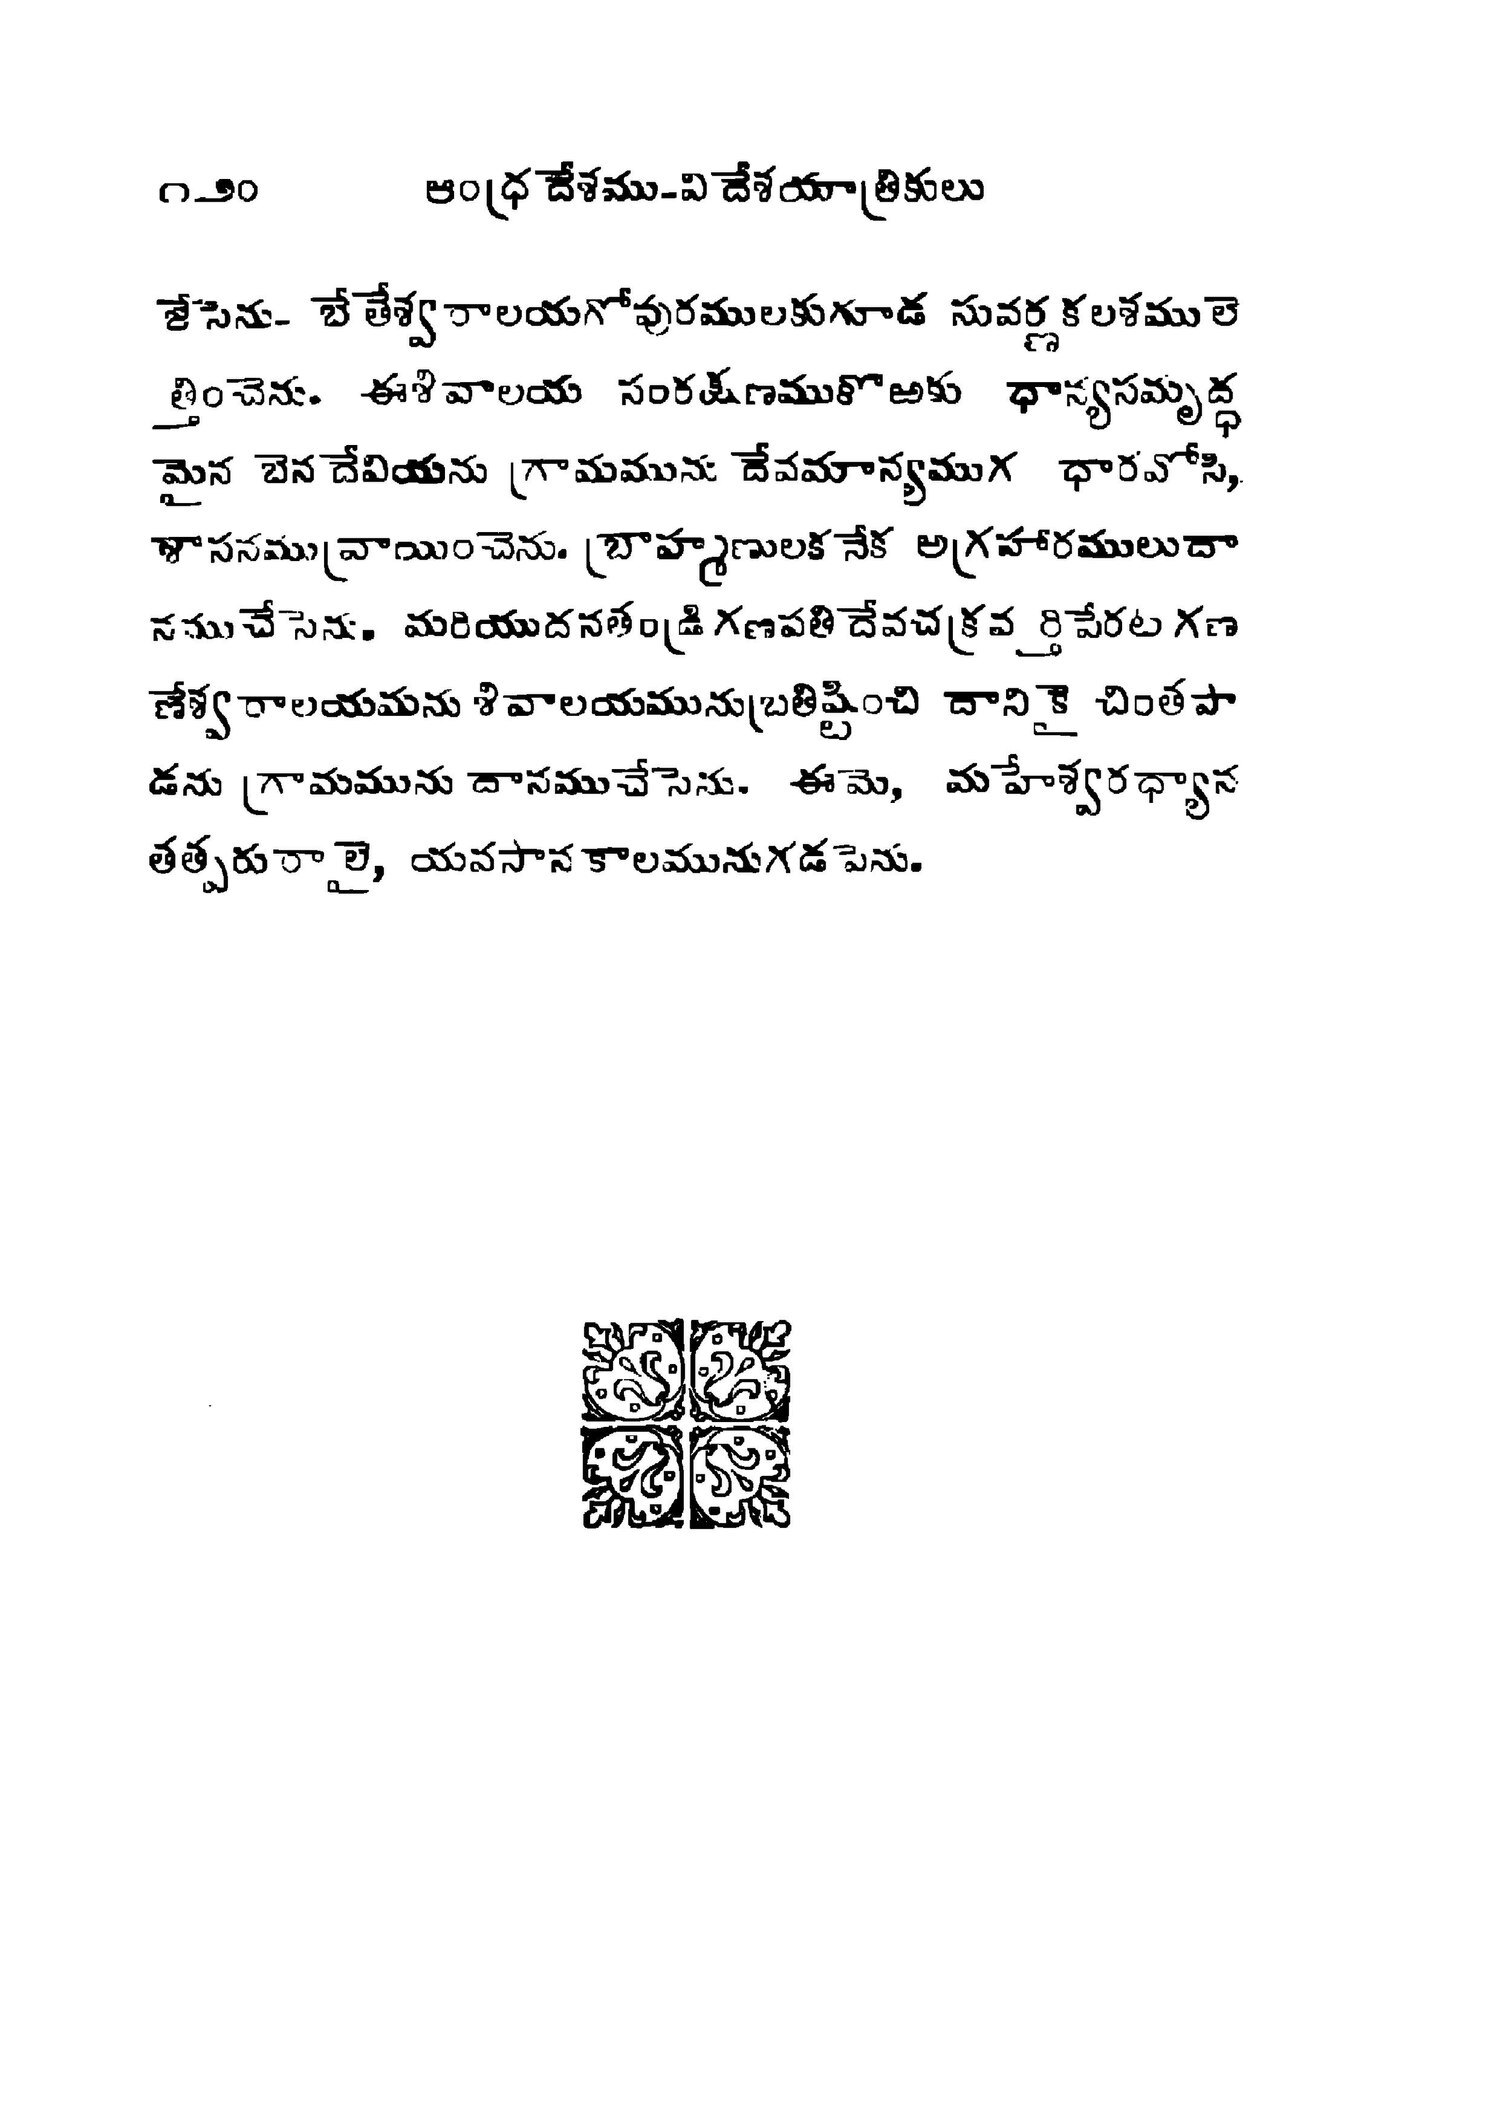జేసెను. బేతేశ్వరాలయ గోపురములకు గూడ సువర్ణ కలశములెత్తించెను. ఈశివాలయ సంరక్షణముకొఱకు ధాన్యసమృద్ధమైన బెనదేవియను గ్రామమున దేవమాన్యముగ ధారవోసి, శాసనము వ్రాయించెను. బ్రాహ్మణులకనేక అగ్రహారములు దానము చేసెను. మరియు దనతండ్రి గణపతి దేవచక్రవర్తి పేరిట గణణేశ్వరాలయమును శివాలయమును బ్రతిష్టించి దానికై చింతపాడను గ్రామమును దానముచేసెను. ఈమె, మహేశ్వరధ్యానతత్పరురాలై, యవసానకాలమును గడపెను.